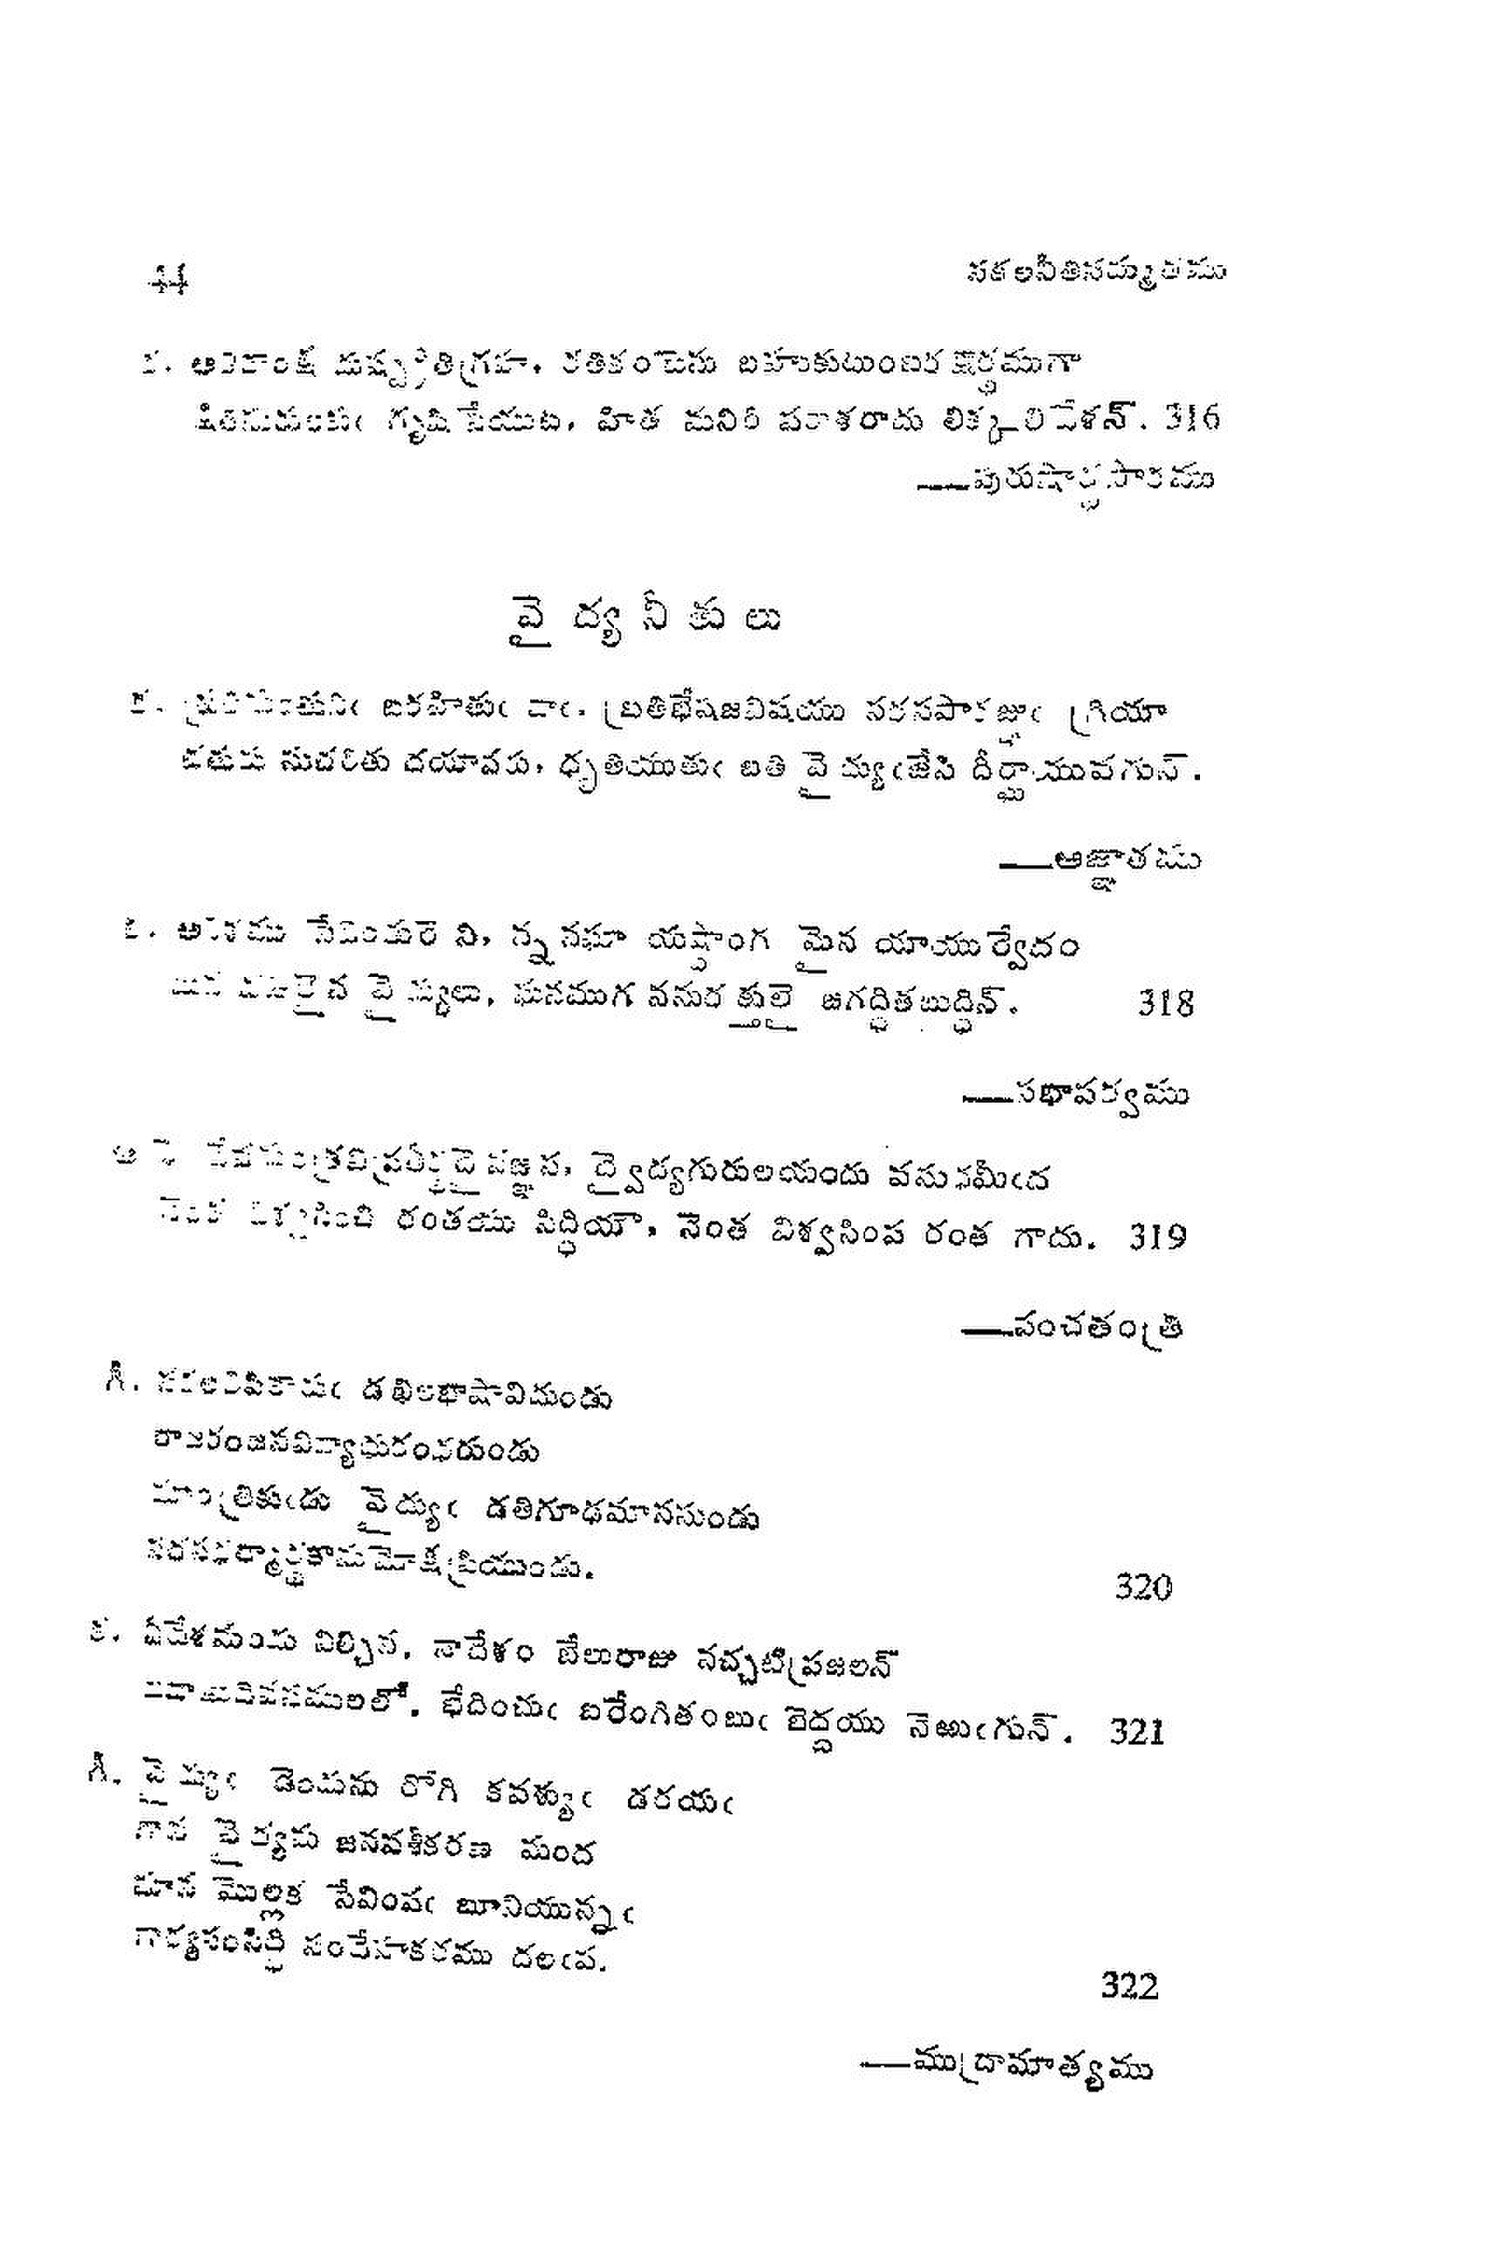క. అతికాంక్ష దుష్ప్రతిగ్రహ
రతికంటెను బహుకుటుంబరక్షార్థముగా
క్షితిసురులకుఁ గృషిసేయుట
హిత మనిరి పరాశరాదు లిక్కలివేళన్.

క. శ్రుతిమంతునిఁ బరహితుఁ దాఁ
బ్రతిభేషజవిషయు సరసపాకజ్ఞుఁ గ్రియా
చతురు సుచరితు దయాపరు
ధృతియుతుఁ బతి వైద్యుఁజేసి దీర్ఘాయువగున్. 317

క. అనిశము సేవింతురె ని
న్ననఘా యష్టాంగ మైన యాయుర్వేదం
బున దక్షులైన వైద్యులు
ఘనముగ ననురక్తులై జగద్ధితబుద్ధిన్. 318

ఆ. దేవమంత్రవిప్రతీర్థదైవజ్ఞస
ద్వైద్యగురులయందు వసుధమీఁద
నెంత విశ్వసించి రంతయు సిద్ధియౌ
నెంత విశ్వసింప రంత గాదు. 319

గీ. సకలలిపికారుఁ డఖిలభాషావిదుండు
రాజరంజనవిద్యాధురంధరుండు
మాంత్రికుఁడు వైద్యుఁ డతిగూఢమానసుండు
సరసధర్మార్థకామమోక్షప్రియుండు. 320

క. ఏదేశమందు నిల్చిన
నాదేశం బేలురాజు నచ్చటిప్రజలన్
ఐదాఱుదివసములలో
భేదించుఁ బరేంగితంబుఁ బెద్దయు నెఱుఁగున్. 321

గీ. వైద్యుఁ డెందును రోగి కవశ్యుఁ డరయఁ
గాన వైద్యమ జనవశీకరణ మంద
మాన మొల్లక సేవింపఁ బూనియున్నఁ
గార్యసంసిద్ధి సందేహకరము దలఁప. 322